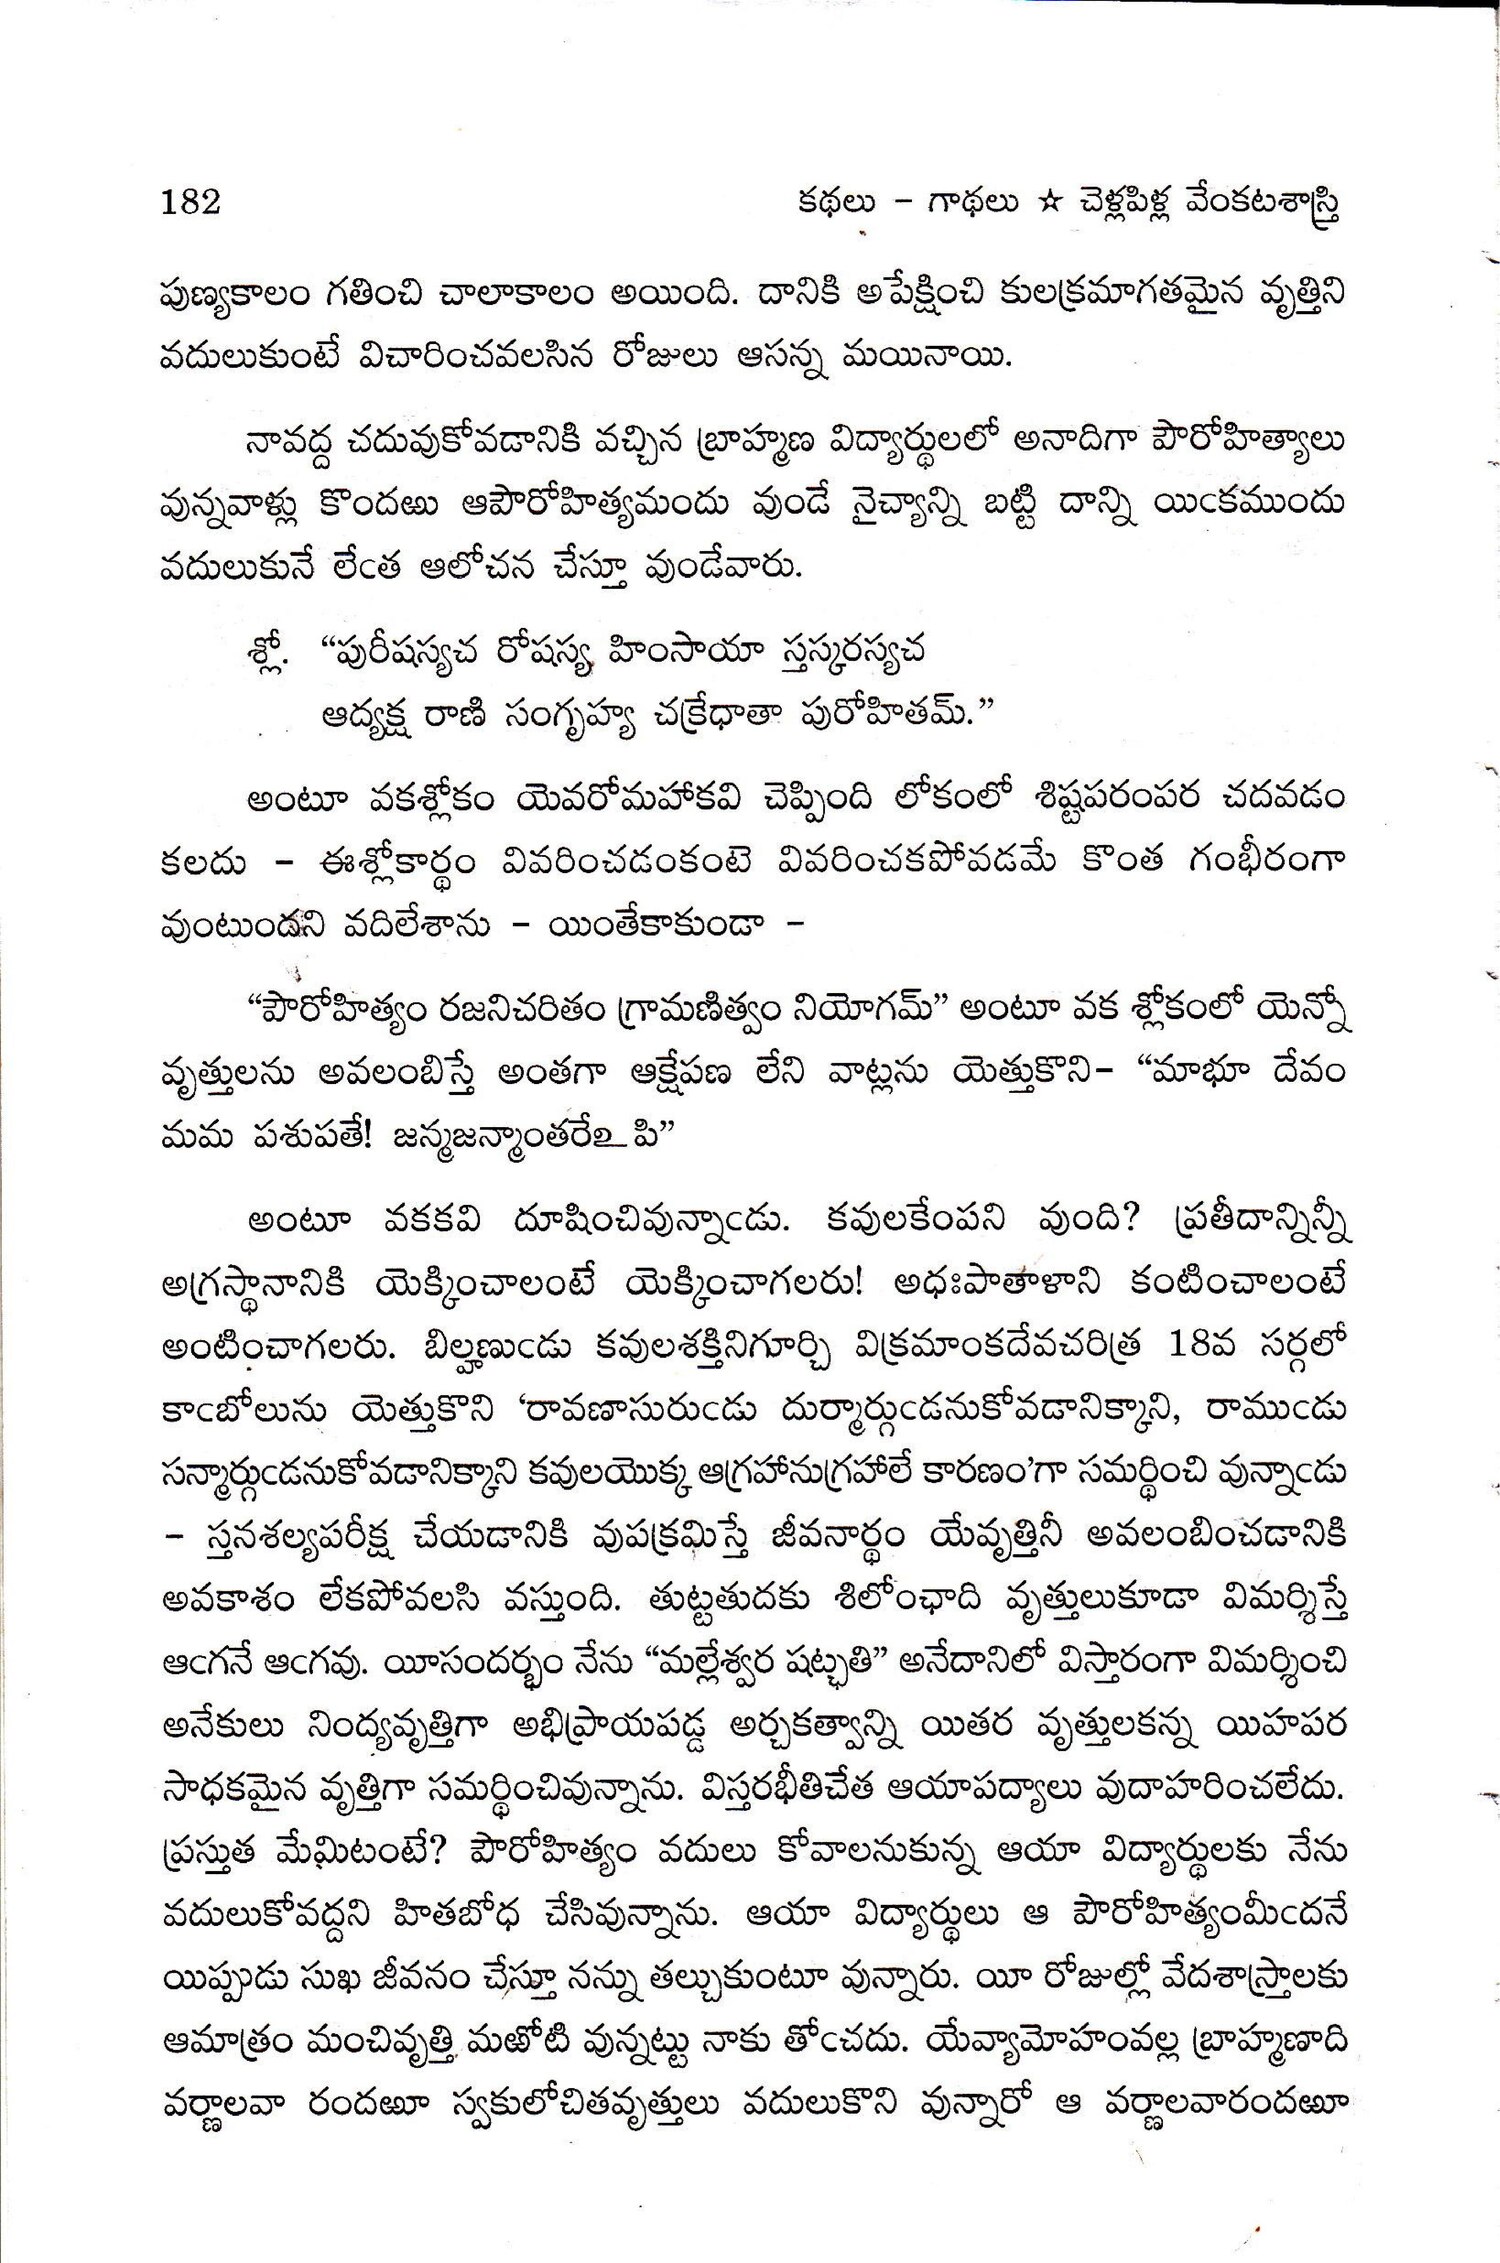పుణ్యకాలం గతించి చాలాకాలం అయింది. దానికి అపేక్షించి కులక్రమాగతమైన వృత్తిని వదులుకుంటే విచారించవలసిన రోజులు ఆసన్న మయినాయి.

నావద్ద చదువుకోవడానికి వచ్చిన బ్రాహ్మణ విద్యార్థులలో అనాదిగా పౌరోహిత్యాలు వున్నవాళ్లు కొందఱు ఆపౌరోహిత్యమందు వుండే నైచ్యాన్ని బట్టి దాన్ని యిఁకముందు వదులుకునే లేఁత ఆలోచన చేస్తూ వుండేవారు.

శ్లో “పురీషస్యచ రోషస్య హింసాయా స్తస్కరస్యచ
 ఆద్యక్ష రాణి సంగృహ్య చక్రేధాతా పురోహితమ్."
అంటూ వకశ్లోకం యెవరోమహాకవి చెప్పింది లోకంలో శిష్టపరంపర చదవడం కలదు – ఈశ్లోకార్థం వివరించడంకంటె వివరించకపోవడమే కొంత గంభీరంగా వుంటుందని వదిలేశాను - యింతేకాకుండా -

"పౌరోహిత్యం రజనిచరితం గ్రామణిత్వం నియోగమ్" అంటూ వక శ్లోకంలో యెన్నో వృత్తులను అవలంబిస్తే అంతగా ఆక్షేపణ లేని వాట్లను యెత్తుకొని – “మాభూ దేవం మమ పశుపతే! జన్మజన్మాంతరే౽పి"

అంటూ వకకవి దూషించివున్నాఁడు. కవులకేంపని వుంది? ప్రతీదాన్నిన్నీ అగ్రస్థానానికి యెక్కించాలంటే యెక్కించాగలరు! అధఃపాతాళాని కంటించాలంటే అంటించాగలరు. బిల్హణుఁడు కవులశక్తినిగూర్చి విక్రమాంకదేవచరిత్ర 18వ సర్గలో కాఁబోలును యెత్తుకొని రావణాసురుఁడు దుర్మార్గుఁడనుకోవడానిక్కాని, రాముఁడు సన్మార్గుఁడనుకోవడానిక్కాని కవులయొక్క ఆగ్రహానుగ్రహాలే కారణంగా సమర్ధించి వున్నాఁడు - స్తనశల్యపరీక్ష చేయడానికి వుపక్రమిస్తే జీవనార్థం యేవృత్తినీ అవలంబించడానికి అవకాశం లేకపోవలసి వస్తుంది. తుట్టతుదకు శిలోంఛాది వృత్తులుకూడా విమర్శిస్తే ఆఁగనే ఆఁగవు. యీసందర్భం నేను "మల్లేశ్వర షట్చతి" అనేదానిలో విస్తారంగా విమర్శించి అనేకులు నింద్యవృత్తిగా అభిప్రాయపడ్డ అర్చకత్వాన్ని యితర వృత్తులకన్న యిహపర సాధకమైన వృత్తిగా సమర్ధించివున్నాను. విస్తరభీతిచేత ఆయాపద్యాలు వుదాహరించలేదు. ప్రస్తుత మేమిటంటే? పౌరోహిత్యం వదులు కోవాలనుకున్న ఆయా విద్యార్థులకు నేను వదులుకోవద్దని హితబోధ చేసివున్నాను. ఆయా విద్యార్థులు ఆ పౌరోహిత్యంమీఁదనే యిప్పుడు సుఖ జీవనం చేస్తూ నన్ను తల్చుకుంటూ వున్నారు. యీ రోజుల్లో వేదశాస్త్రాలకు ఆమాత్రం మంచివృత్తి మఱోటి వున్నట్టు నాకు తోఁచదు. యేవ్యామోహంవల్ల బ్రాహ్మణాది వర్గాలవా రందఱూ స్వకులోచితవృత్తులు వదులుకొని వున్నారో ఆ వర్ణాలవారందఱూ